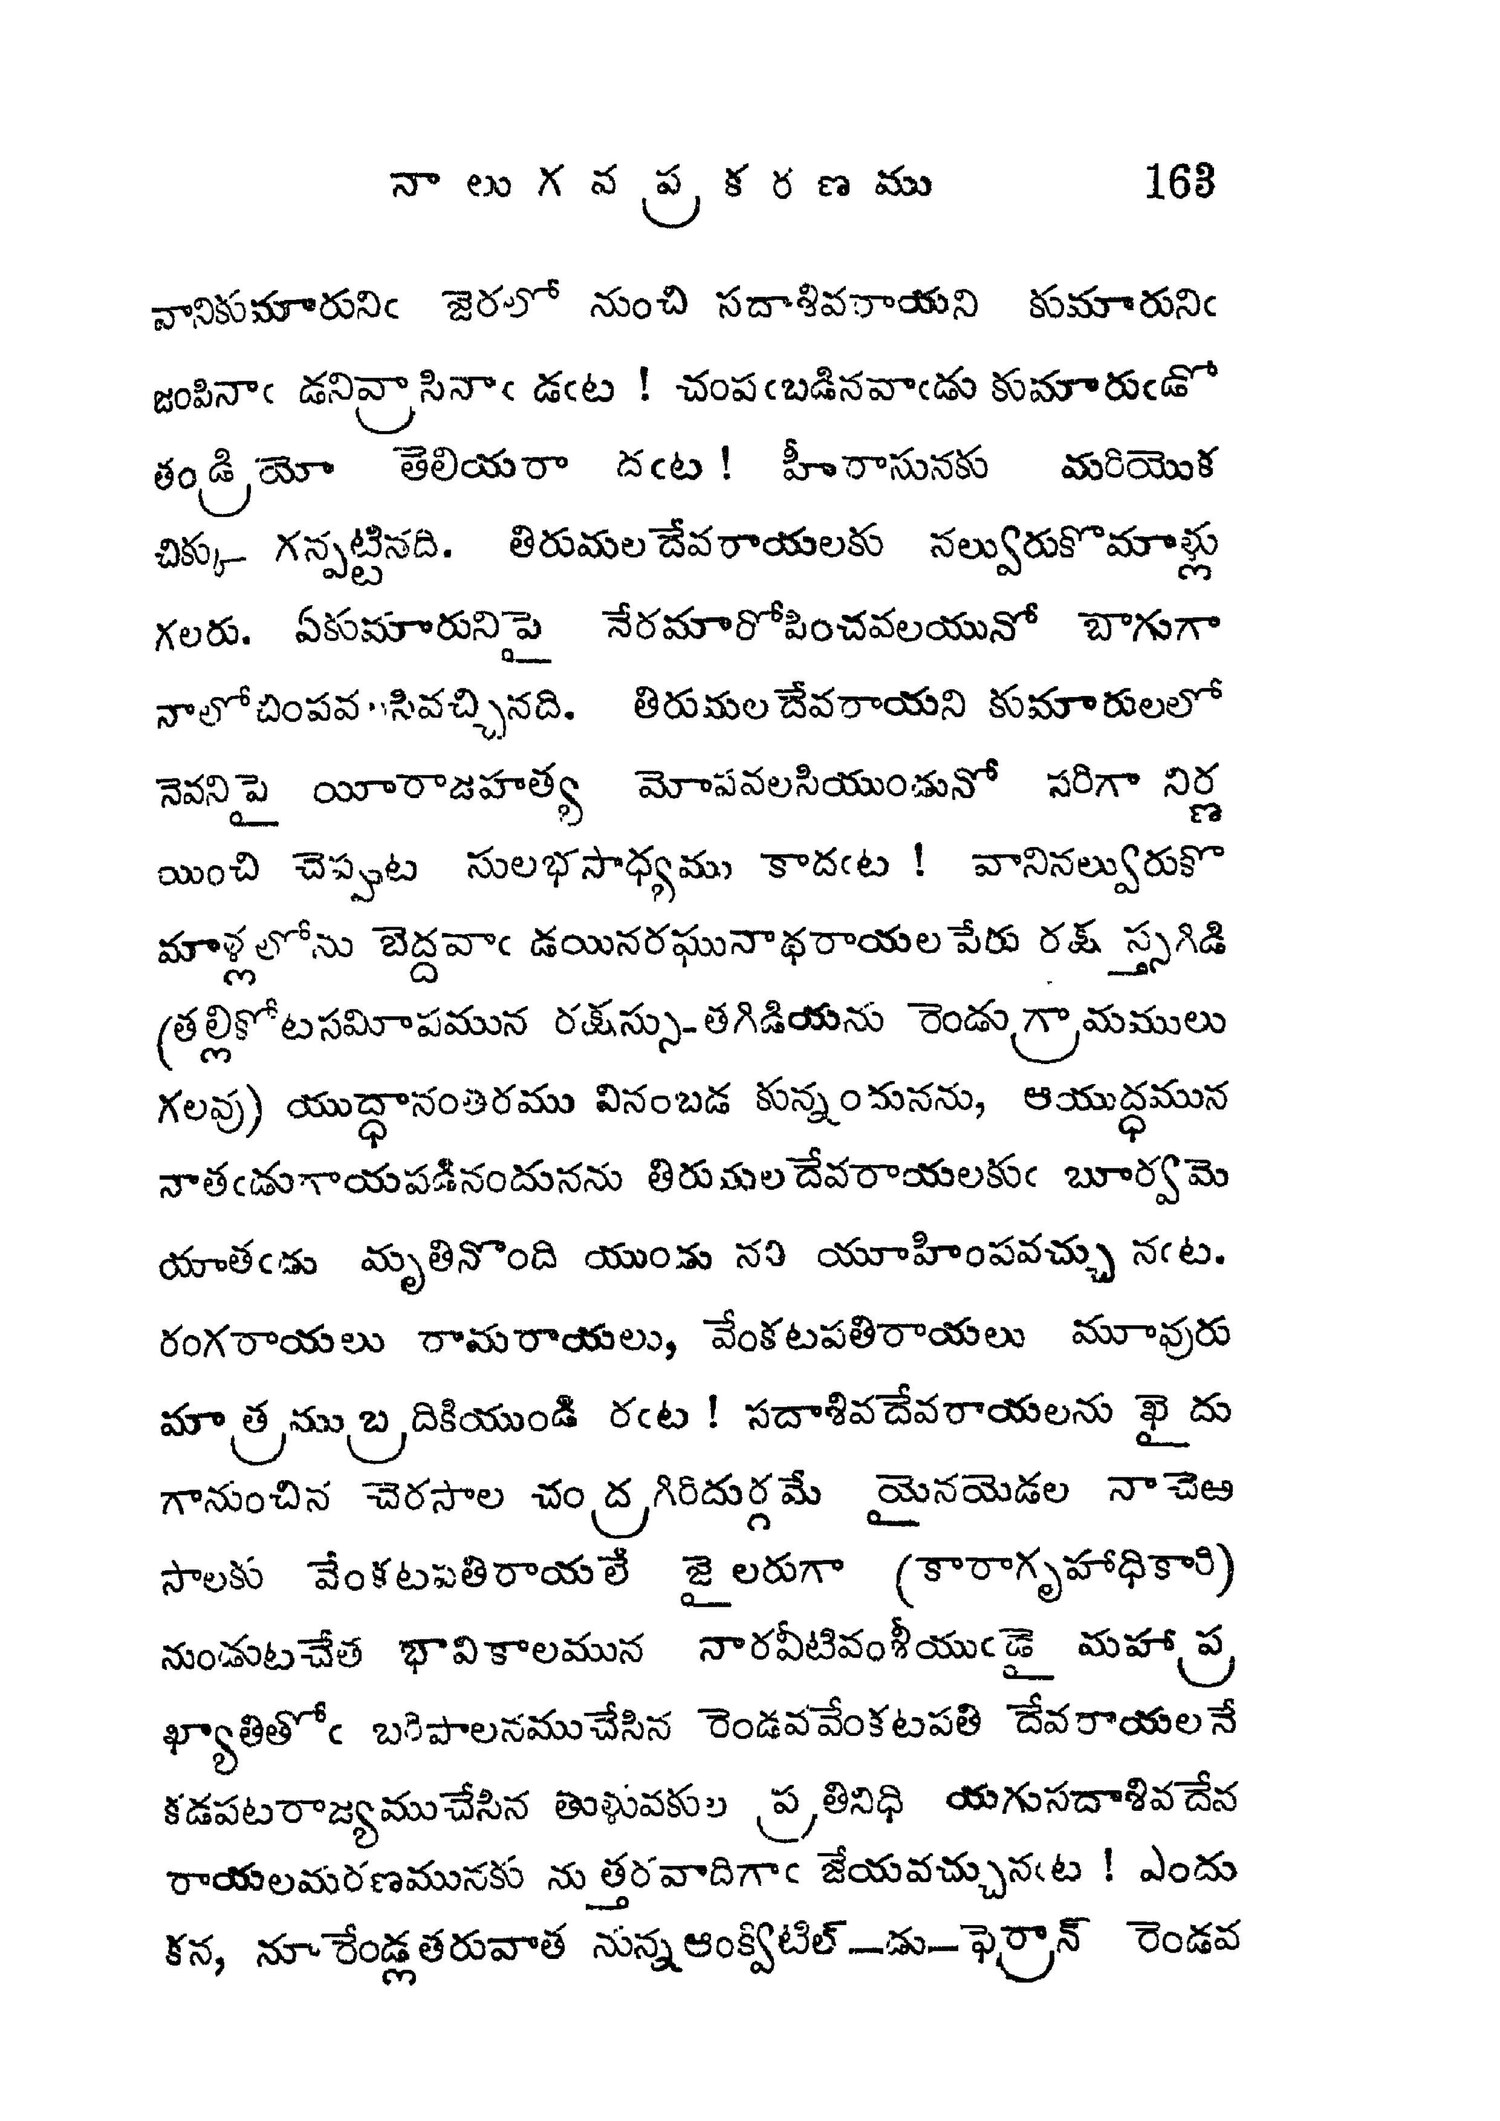వానికుమారుని జెరలో నుంచి సదాశివరాయని కుమారుని జంపినా డనివ్రాసినా డట ! చంపబడినవాడు కుమారుడో తండ్రియో తెలియరా దట! హీరాసునకు మరియొక చిక్కు గన్పట్టినది. తిరుమల దేవరాయలకు నల్వురుకొమాళ్లు గలరు. ఏకుమారునిపై నేరమారోపించవలయునో బాగుగా నాలోచింపవలసివచ్చినది. తిరుమలదేవరాయని కుమారులలో నెవనిపై యీరాజహత్య మోపవలసియుండునో సరిగా నిర్ణయించి చెప్పుట సులభసాధ్యము కాదట! వానినల్వురుకొమాళ్లలోను బెద్దవాడయిన రఘునాథరాయలపేరు రక్షస్త్స గిడి (తల్లికోటసమీపమున రక్షస్సు - తగిడియను రెండుగ్రామములు గలవు) యుద్ధానంతరము వినంబడ కున్నందునను, ఆయుద్ధమున నాతడు గాయపడినందునను తిరుమలదేవరాయలకు బూర్వమె యాతడు మృతినొంది యుండు నని యూహింపవచ్చునట. రంగరాయలు రామరాయలు, వేంకటపతిరాయలు మూవురు మాత్రముబ్రదికియుండి రట! సదాశివదేవరాయలను ఖైదుగానుంచిన చెరసాల చంద్రగిరిదుర్గమే యైనయెడల నాచెఱసాలకు వేంకటపతిరాయలే జైలరుగా (కారాగృహాధికారి) నుండుటచేత భావికాలమున నారవీటివంశీయుడై మహాప్రఖ్యాతితో బరిపాలనముచేసిన రెండవవేంకటపతి దేవరాయలనే కడపటరాజ్యముచేసిన తుళువకుల ప్రతినిధి యగుసదాశివదేవరాయల మరణమునకు నుత్తరవాదిగా జేయవచ్చునట! ఎందుకన, నూరేండ్లతరువాత నున్నఆంక్విటిల్ - డు - ఫెర్రాన్ రెండవ